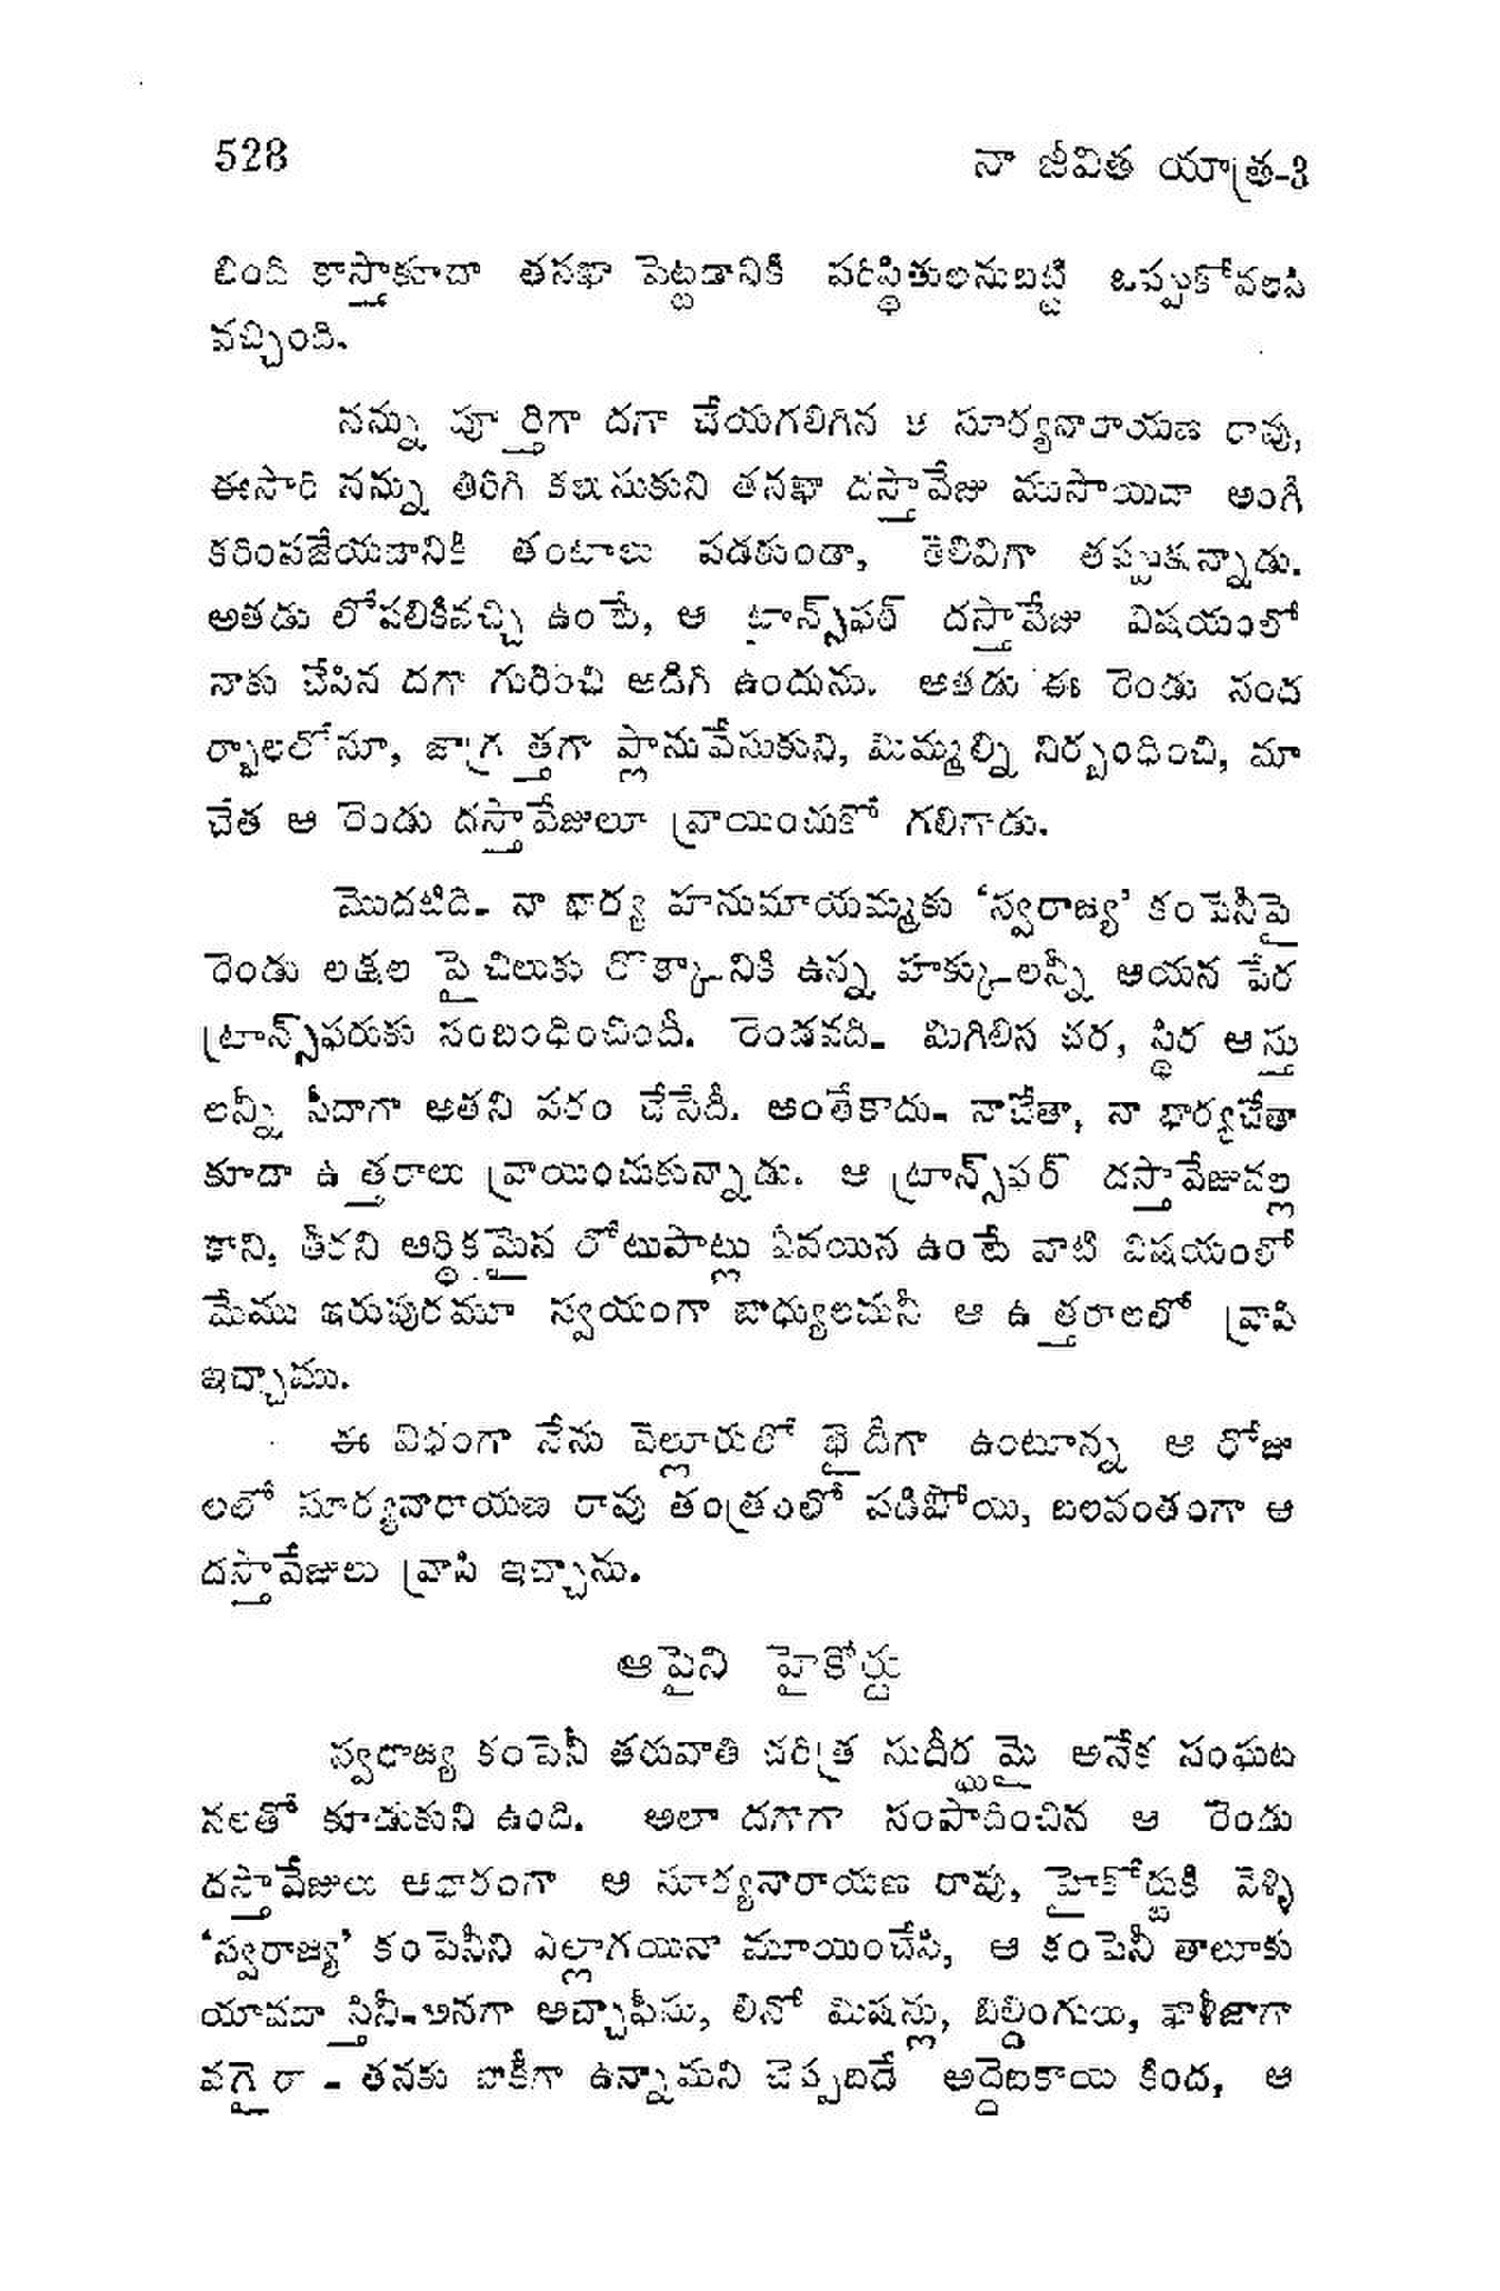లింది కాస్తాకూడా తనఖా పెట్టడానికి పరిస్థితులనుబట్టి ఒప్పుకోవలసి వచ్చింది.

నన్ను పూర్తిగా దగా చేయగలిగిన ఆ సూర్యనారాయణ రావు, ఈసారి నన్ను తిరిగి కలుసుకుని తనఖా దస్తావేజు ముసాయిదా అంగీకరింపజేయడానికి తంటాలు పడకుండా, తెలివిగా తప్పుకున్నాడు. అతడు లోపలికివచ్చి ఉంటే, ఆ ట్రాన్స్‌ఫర్ దస్తావేజు విషయంలో నాకు చేసిన దగా గురించి అడిగి ఉందును. అతడు ఈ రెండు సందర్భాలలోనూ, జాగ్రత్తగా ప్లానువేసుకుని, మమ్మల్ని నిర్భంధించి, మా చేత ఆ రెండు దస్తావేజులూ వ్రాయించుకో గలిగాడు.

మొదటిది - నా భార్య హనుమాయమ్మకు 'స్వరాజ్య' కంపెనీపై రెండు లక్షల పై చిలుకు రొక్కానికి ఉన్న హక్కులన్నీ ఆయన పేర ట్రాన్స్‌ఫరుకు సంబంధించిందీ, రెండవది - మిగిలిన చర, స్థిర ఆస్తులన్నీ సీదాగా అతని పరం చేసేదీ. అంతేకాదు - నాచేతా, నా భార్యచేతా కూడా ఉత్తరాలు వ్రాయించుకున్నాడు. ఆ ట్రాన్స్‌ఫర్ దస్తావేజువల్ల కాని, తీరని ఆర్థికమైన లోటుపాట్లు ఏవయిన ఉంటే వాటి విషయంలో మేము ఇరువురమూ స్వయంగా బాధ్యులమనీ ఆ ఉత్తరంలో వ్రాసి ఇచ్చాము.

ఈ విధంగా నేను వెల్లూరులో ఖైదీగా ఉంటూన్న ఆ రోజులలో సూర్యనారాయణ రావు తంత్రంలో పడిపోయి, బలవంతంగా ఆ దస్తావేజులు వ్రాసి ఇచ్చాను.

స్వరాజ్య కంపెనీ తరువాత చరిత్ర సుదీర్ఘమై అనేక సంఘటనలతో కూడుకుని ఉంది. అలా దగాగా సంపాదించిన ఆ రెండు దస్తావేజులు ఆధారంగా ఆ సూర్యనారాయణ రావు, హైకోర్టుకి వెళ్ళి 'స్వరాజ్య' కంపెనీని ఎల్లాగయినా మూయించేసి, ఆ కంపెనీ తాలూకు యావదాస్తినీ - అనగా అచ్చాఫీసు, లినో మిషన్లు, బిల్డింగులు, ఖాళాజాగా వగైరా - తనకు బాకీగా ఉన్నామని చెప్పబడే అద్దెబకాయి కింద, ఆ